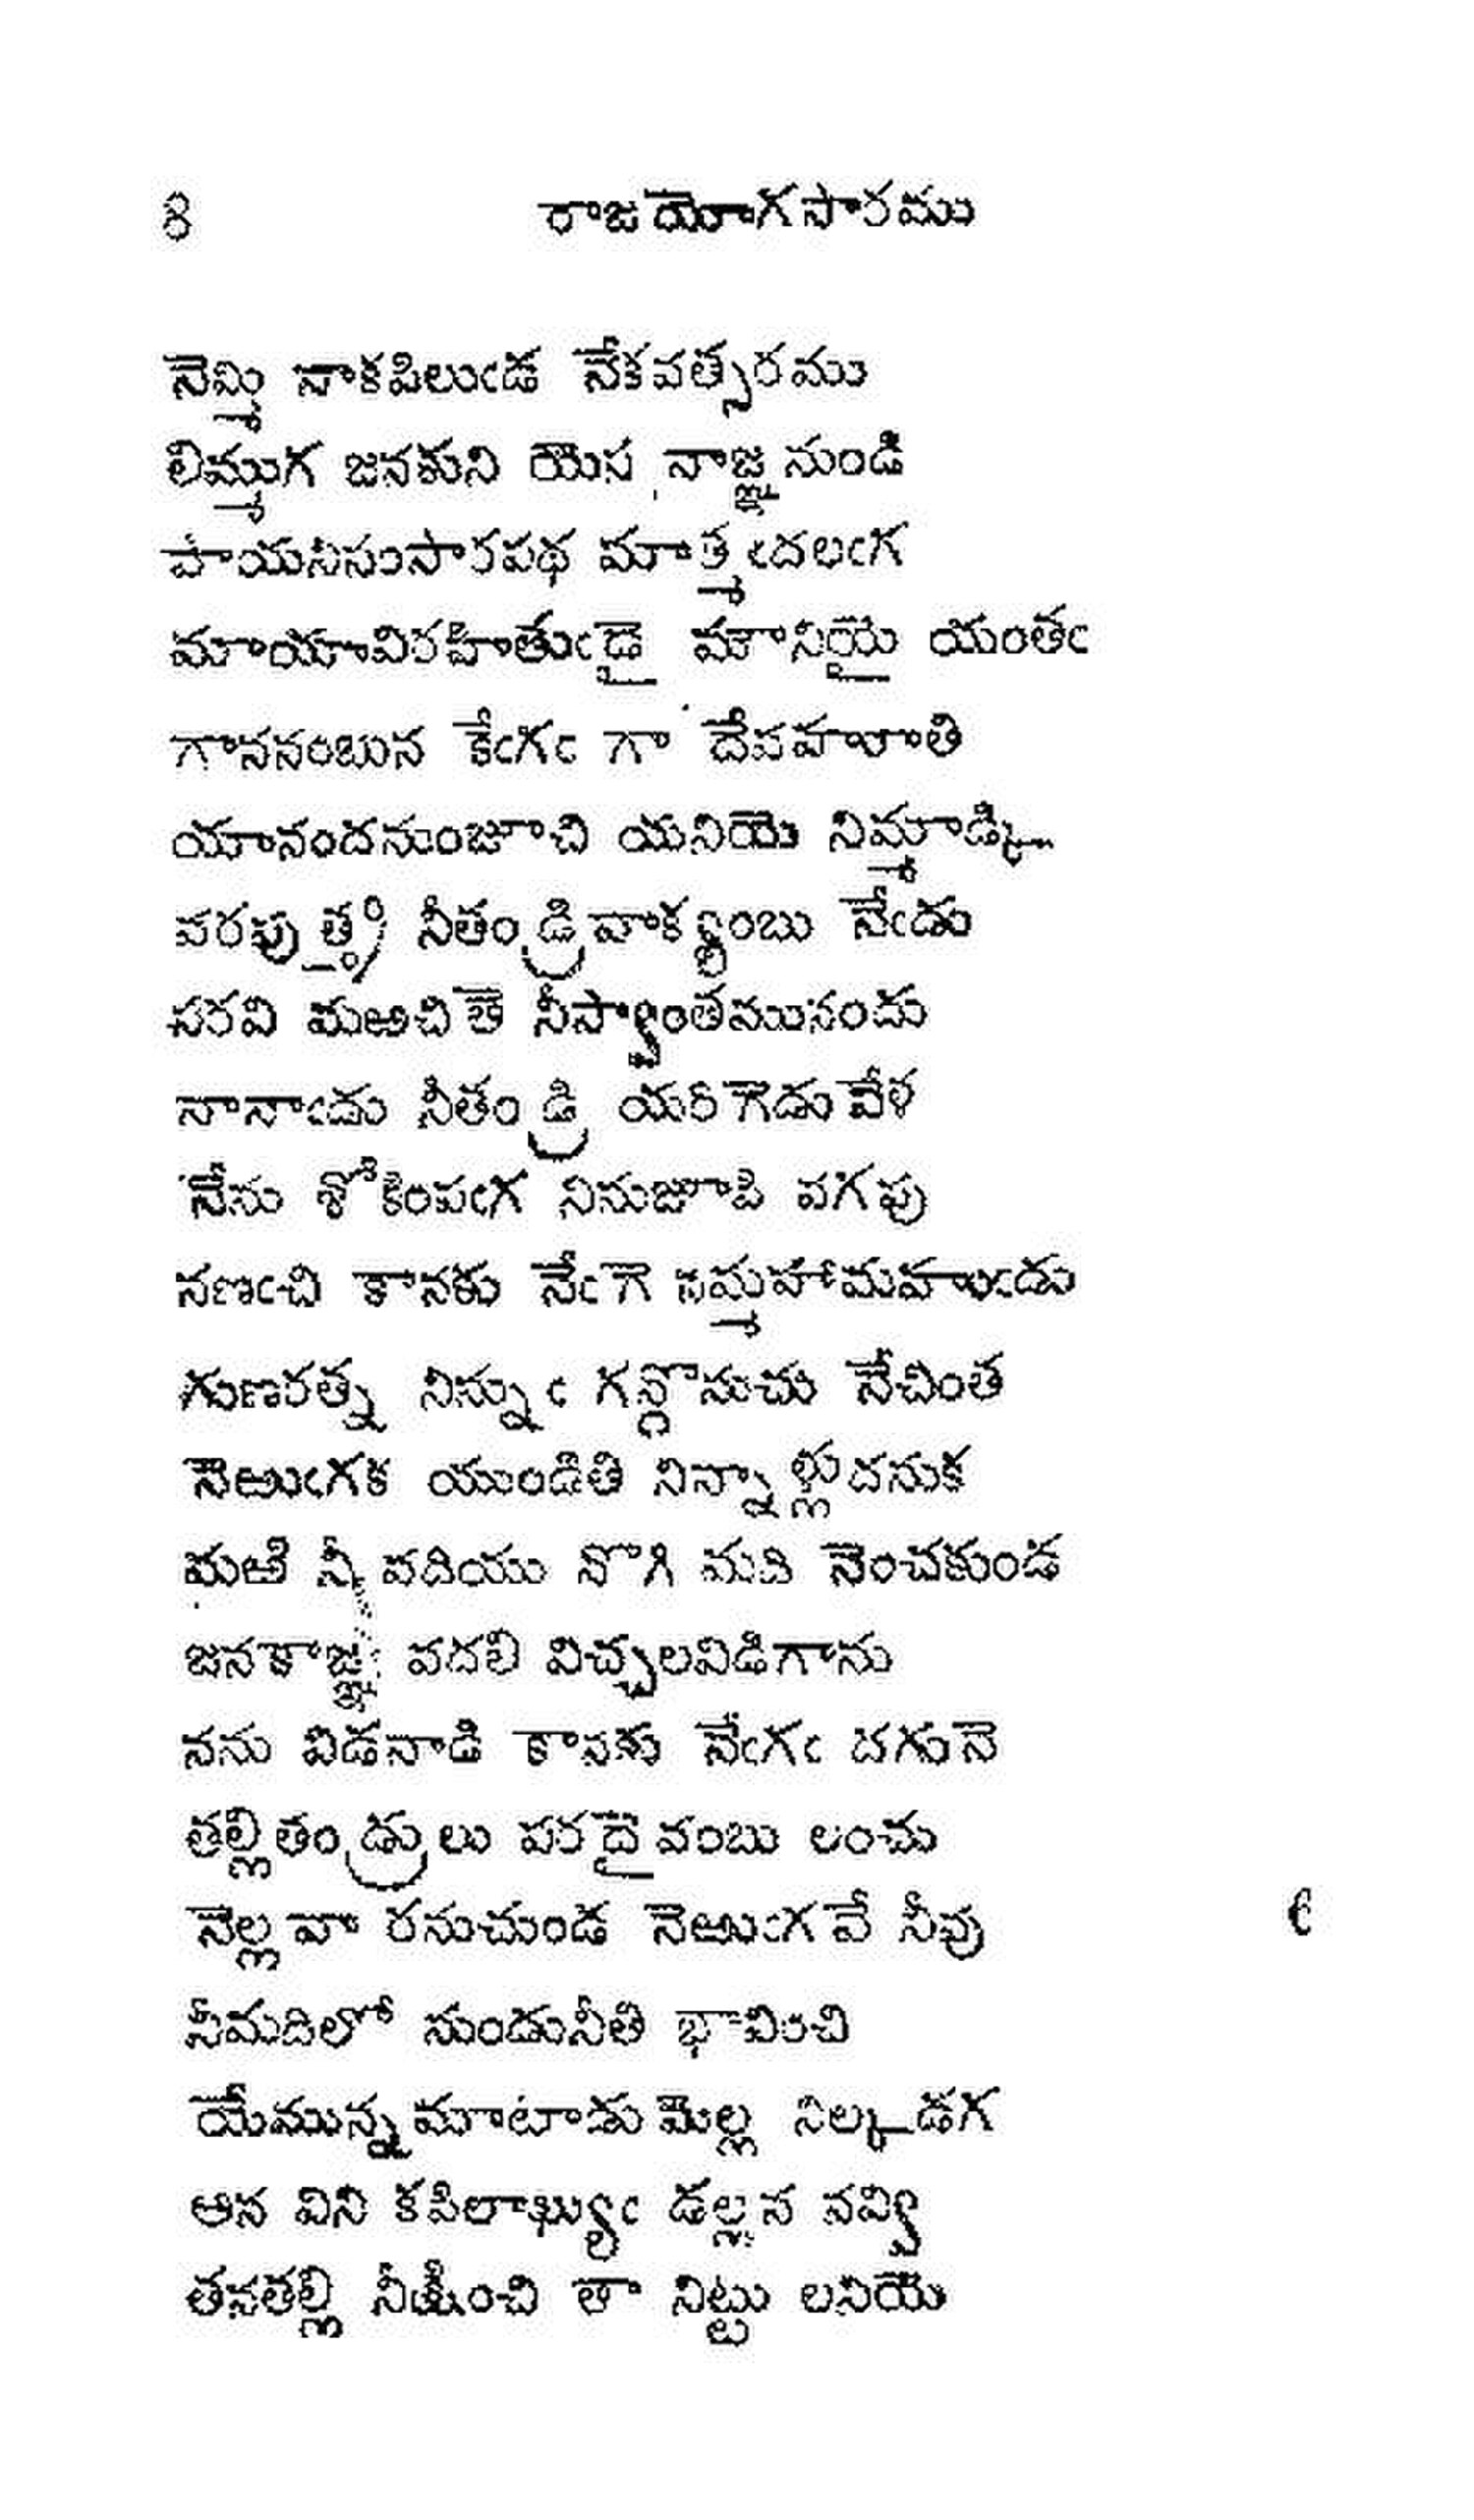నెమ్మి నాకపిలుఁడ నేకవత్సరము
లిమ్ముగ జనకుని యెస నాజ్ఞనుండి
పాయనిసంసారపథ మాత్మఁదలఁగ
మాయావిరహితుఁడై మౌనియై యంతఁ
గాననంబున కేఁగఁ గా దేవహూతి
యానందనుంజూచి యనియె నిమ్మాడ్కి
వరపుత్త్ర నీతండ్రివాక్యంబు నేఁడు 
సరవి మఱచితె నీస్వాంతమునందు
నానాఁడు నీతండ్రి యరిగెడువేళ
నేను శోకింపఁగ నినుజూపి వగపు
నణఁచి కానకు నేఁగె నమ్మహామహుడు
గుణరత్న నిన్నుఁ గన్గొనుచు నేచింత
నెఱుఁగక యుండితి నిన్నాళ్లుదనుక
మఱి నీ వదియు నొగి మది నెంచకుండ
జనకాజ్ఞ వదలి విచ్చలవిడిగాను
నను విడనాడి కానకు నేఁగఁ దగునె
తల్లితండ్రులు పరదైవంబు లంచు
నెల్లవా రనుచుండ నెఱుఁగవే నీవు
నీమదిలో నుండునీతి భావించి
యేమున్నమాటాడుమెల్ల నిల్కడగ
అన విని కపిలాఖ్యుఁ డల్లన నవ్వి
తనతల్లి నీక్షించి తా నిట్టు లనియె